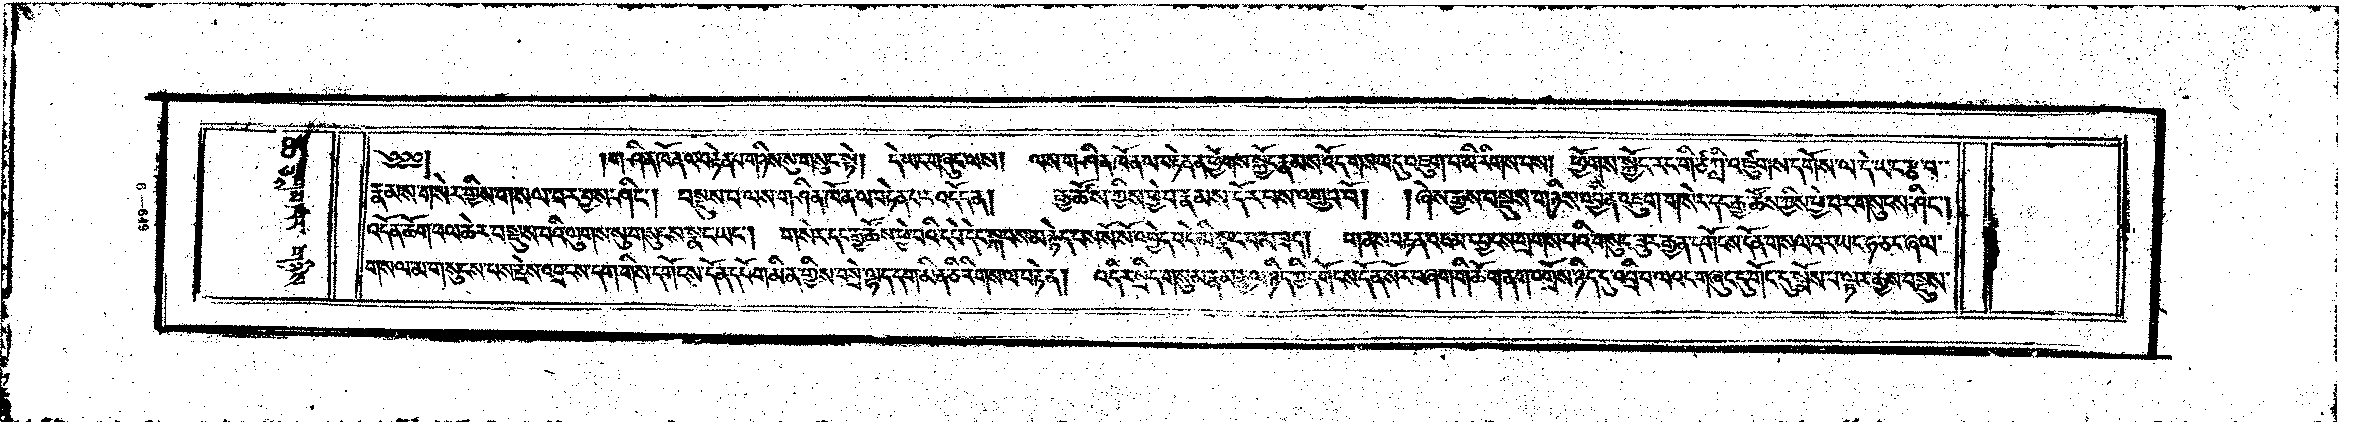༄༅༅། །གཤིན་ཁོ་ན་ལ་བརྟེན་པ་གཉིས་སུ་གསུང་སྟེ། དེ་ཡང་གཞུང་ལས། ལས་གཤིན་ཁོ་ན་ལ་བརྟེན་ན་ཕྱོགས་སྐྱོང་རྣམས་འོད་གསལ་དུ་འཇུག་པ་མི་རིགས་པས། ཕྱོགས་སྐྱོང་རང་གི་ཙཀླི་འཛུགས་དགོས་ལ་དེ་ཡང་རྩ་བ་
རྣམས་གསེར་གྱིས་གསལ་བར་བྱས་ཤིང་། བསྡུས་པ་ལས་གཤིན་ཁོ་ན་བརྟེན་པར་འདོད་ན། རྒྱ་ཚོས་ཀྱིས་ཕྱེ་བ་རྣམས་དོར་བས་འགྲུབ་བོ། །ཞེས་རྒྱས་བསྡུས་གཉིས་འབྱིན་འཇུག་གསེར་དང་རྒྱ་ཚོས་ཀྱིས་ཕྱེ་བར་གསུངས་ཤིང་།
འདོན་ཆོག་ཕལ་ཆེར་བསྡུས་བའི་ལུགས་སུ་གསུངས་སྣང་ཡང་། གསེར་དང་རྒྱ་ཚོས་ཕྱེ་བའི་དཔེ་དེང་སྐབས་མ་རྙེད་པས་སོ་སོ་འབྱེད་བདེ་མི་སྣང་པ་མ་ཟད། གནས་བརྟན་འཇམ་དབྱངས་གྲགས་པའི་གསུང་ཟུར་རྒྱན་དགོངས་དོན་གསལ་བར་བྱང་ཧ་ཅང་ཞལ་
གསལ་མ་གསུངས་པས་རྗེས་འབྲངས་དག་གིས་དགོངས་དོན་དཔོག་མིན་གྱིས་བསྲེ་ལྷད་དག་མིན་ཅི་རིགས་ལ་བརྟེན། འདིར་སྲིད་གསུམ་རྣམ་རྒྱལ་ཉིད་ཀྱི་དགོངས་དོན་སོར་བཞག་གི་ཆོག་ནག་འགྲོས་ཉིད་དུ་འབྲི་བ་ལའང་གཞུང་དུ་གོང་དུ་སྨོས་པ་ལྟར་རྒྱས་བསྡུས་